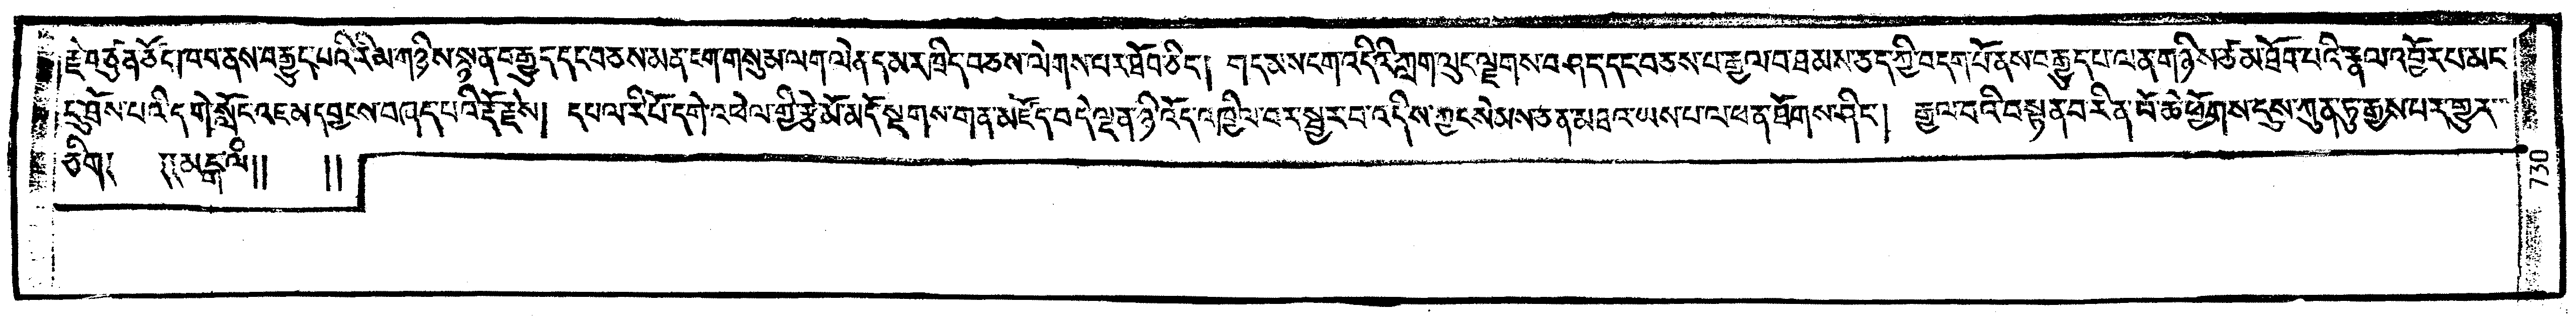རྗེ་བཙུན་ཙོང་ཁ་བ་ནས་བརྒྱུད་པའི་རིམ་གཉིས་སྙན་བརྒྱུད་དང་བཅས་མན་ངག་གསུམ་ལག་ལེན་དམར་ཁྲིད་བཅས་ལེགས་པར་ཐོབ་ཅིང་། གདམས་ངག་འདིའི་ཀླག་ལུང་ལྗགས་བཤད་དང་བཅས་པ་རྒྱལ་བ་ཐམས་ཅད་ཀྱི་བདག་པོ་ནས་བརྒྱུད་པ་ལན་གཉིས་ཙམ་ཐོབ་པའི་རྣལ་འབྱོར་པ་མང་
དུ་ཐོས་པའི་དགེ་སློང་འཇམ་དབྱངས་བཞད་པའི་རྡོ་རྗེས། དཔལ་རི་པོ་དགེ་འཕེལ་གྱི་རྩེ་མོ་མདོ་སྔགས་གན་མཛོད་བདེ་ལྡན་ཉི་འོད་འཁྱིལ་བར་སྦྱར་བ་འདིས་ཀྱང་སེམས་ཅན་མཐའ་ཡས་པ་ལ་ཕན་ཐོགས་ཤིང་། རྒྱལ་བའི་བསྟན་པ་རིན་པོ་ཆེ་ཕྱོགས་དུས་ཀུན་ཏུ་རྒྱས་པར་གྱུར་
ཕ༹ཅིག༑ ༑༑མངྒ་ལཾ།། །།